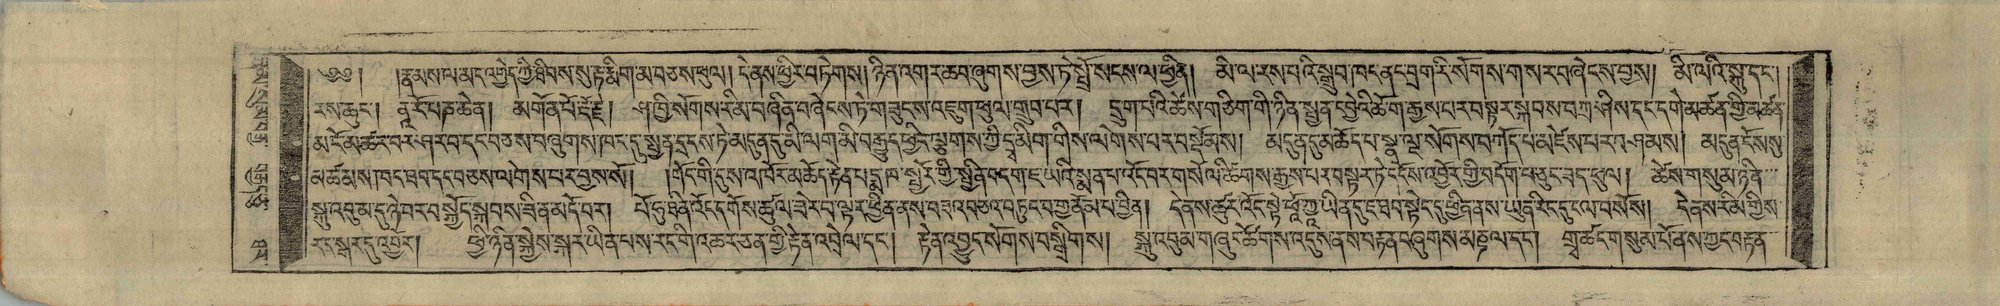༄༅། །རྣམས་ལ་མང་འགྱེད་ཀྱི་ཐིབས་སུ་རྟ་རྨིག་མ་བཅས་ཕུལ། དེ་ནས་ཕྱིར་བཏེགས། ཉིན་འགར་ཆབ་ཞུགས་བྱས་ཏེ་སྤྲོ་སངས་ལ་ཕྱིན། མི་ལ་རས་པའི་སྒྲུབ་ཁང་ནང་བྲག་རི་སོགས་གསར་བཞེངས་བྱས། མི་ལའི་སྐུ་དང་།
རས་ཆུང་། ནཱ་རོ་པཎ་ཆེན། མགོན་པོ་རྡོ་རྗེ། ཤ་ཁྱི་སོགས་རིམ་བཞིན་བཞེངས་ཏེ་གཟུངས་འཇུག་ཕུལ་གྲུབ་པར། དྲུག་པའི་ཚེས་གཅིག་གི་ཉིན་སྤྱན་དབྱེའི་ཆོ་ག་རྒྱས་པར་བསྟར་སྐབས་བཀྲ་ཤིས་དང་དགེ་མཚན་གྱི་མཚན་
མ་ངོ་མཚར་བར་ཤར་བ་དང་བཅས་བཞུགས་ཁང་དུ་སྤྱན་དྲངས་ཏེ་མདུན་དུ་མི་ལག་མི་བརྒྱུད་ཕྱིར་ལྕགས་ཀྱི་དྲྭ་མིག་གིས་ལེགས་པར་བསྡོམས། མདུན་དུ་མཆོད་པ་སྣ་ལྔ་སོགས་བཀོད་པ་མཛེས་པར་བཤམས། མདུན་ངོས་སུ་
མཚམས་ཁང་ཐབ་དང་བཅས་ལེགས་པར་བྱས་སོ། །གོང་གི་དུས་འཁོར་མཆོད་རྟེན་པདམ་ཁ་སྦྱོར་གྱི་སྦྱིན་བདག་ཇ་ཡའི་སྨན་པ་འོང་བར་གསོལ་ཚིགས་རྒྱས་པར་བསྟར་ཏེ་དངོས་འབྱོར་གྱི་བདོག་པ་ཅུང་ཟད་ཕུལ། ཚེས་གསུམ་ཉིན་
སྐུ་འབུམ་དུ་ཉེ་བར་བསྐྱོད་སྐབས་ཟིན་མདོ་བར། པོ་ཧུ་ཐིན་འོང་དགོས་ཚུལ་ཟེར་བ་ལྟར་ཕྱིན་ནས་བཟའ་བཅའ་བཏུང་བ་གྱ་ནོམ་པ་བྱིན། དེ་ནས་ཚུར་འོང་སྟེ་ཕO་ཀྱཱ་ཡིན་དུ་ཇ་ཐབ་སྟེང་དུ་ཕྱིན་ནས་ཡུན་རིང་དུ་ངལ་བསོས། དེ་ནས་རིམ་གྱིས་
རང་སྒར་དུ་འབྱོར། ཕྱི་ཉིན་སྐྱེས་སྐར་ཡིན་པས་རང་གི་འཆར་ཅན་གྱི་རྟེན་འབྲེལ་དང་། རྟེན་འབྱུང་སོགས་བསྒྲིགས། སྐུ་འབུམ་གཞུང་ཚོགས་འདུས་ནས་བརྟན་བཞུགས་མཎྜལ་དང་། གྲྭ་ཚང་གསུམ་པོ་ནས་ཀྱང་བརྟན་